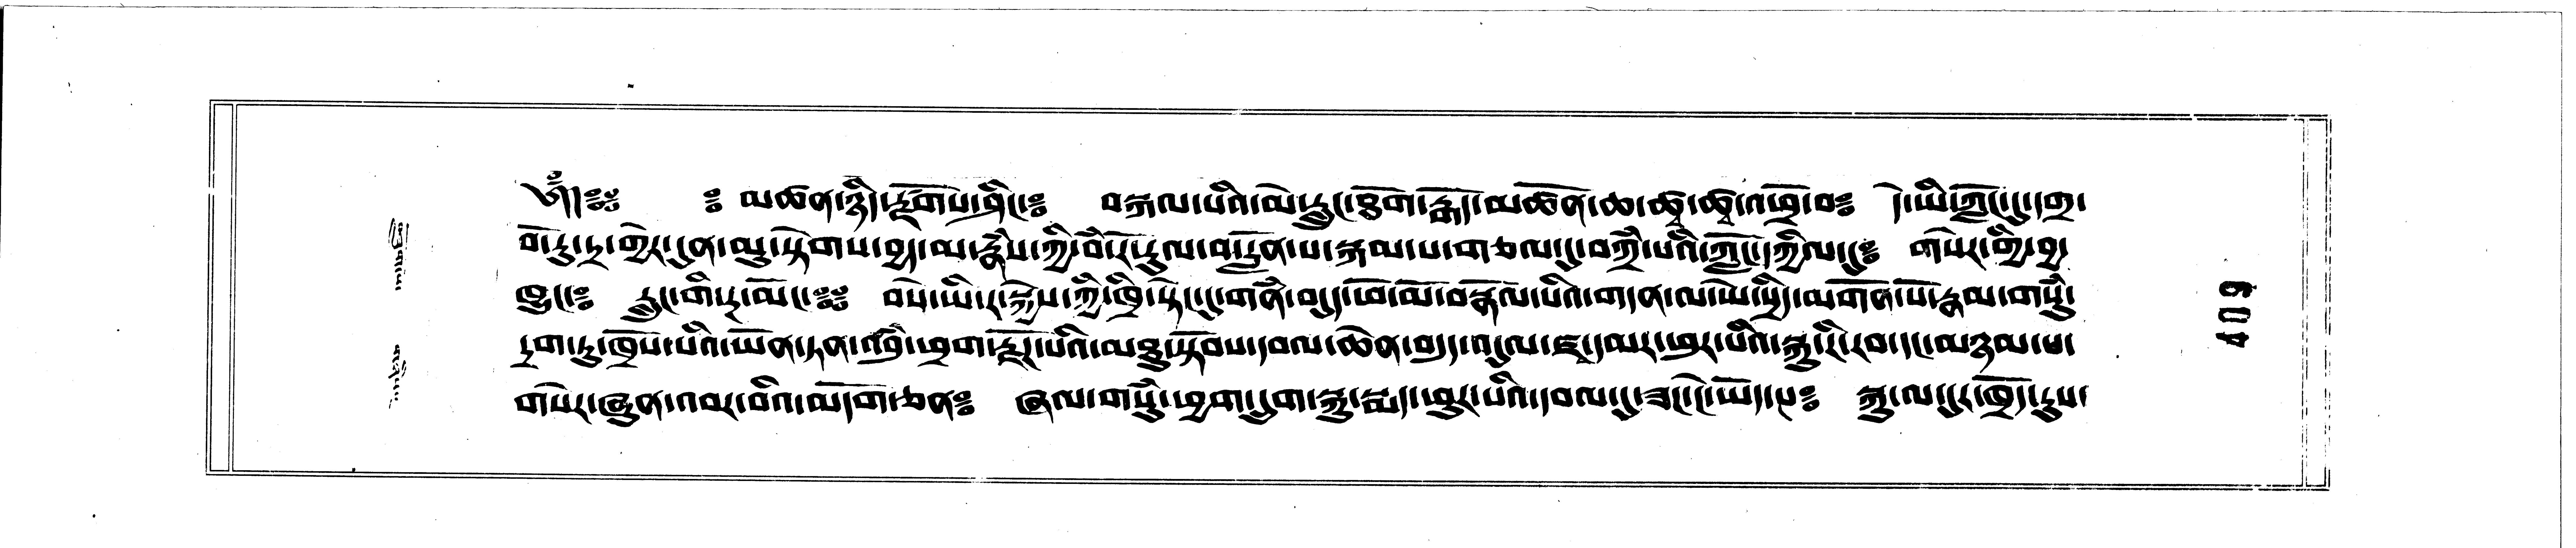༅།༔༔༔མཚན་ཉིད་རྫོགས་ཤིང་༔བསྐལ་པའི་མེ་རླུང་ཐོག་རྒོད་མཚོན་ཆ་ཚྭ་འཕྲོ་བ༔དེ་ཡི་ཀློང་དུ་དགྲ་
བོ་རུ་ཏྲ་གྱེར་དུན་མུ་སྟེགས་བྱད་མ་རྣམས་ཀྱི་བཾ་རོ་རུལ་བ་རློན་པ་སྐམ་པ་གཅལ་དུ་བཀྲམ་པའི་ཀློང་དཀྱིལ་དུ༔གསེར་གྱི་བྱ་
ཁྱུང་༔རླུང་གི་རྔ་མོང་༔༔བསེ་ཡི་ར་སྐྱེས་ཀྱི་ཁྲི་སྟེང་དུ་གནམ་བདུད་ཕོ་མོ་བསྣོལ་པའི་གདན་ལ་ཡེ་སྲིད་མགོན་པོ་རྣམ་གསུམ་
དྲག་ཏུ་ཁྲོས་པའི་ཡོན་ཏན་འབུམ་ཕྲག་བརྗིད་པའི་མཐུ་སྟོབས་དབལ་ཆེན་བདུད་འདུལ་ཛྭ་དམར་ཕུར་པའི་སྐུ་རི་རབ་དང་མཉམ་པ་
གསེར་ཞུན་འབར་བའི་མདོག་ཅན༔ཞལ་གསུམ་ཕྱག་དྲུག་སྐུ་སྨད་ཕུར་པའི་དབལ་དུ་ཟང་ངེ་ཡོད་པ༔སྐུ་ལ་དུར་ཁྲོད་རུས་